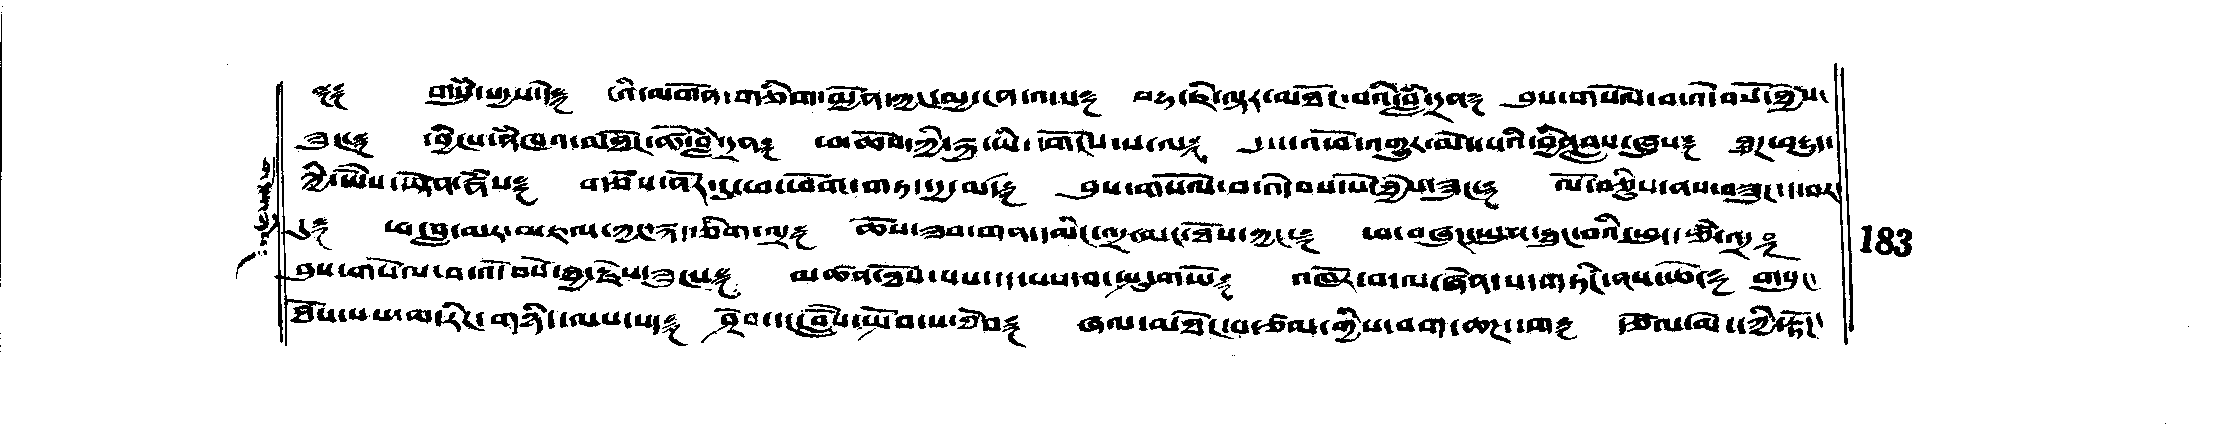གསུམ་སངས་རྒྱས་དེ། །ངའི་མགོན་གཅིག་མྱོན་ཀྱང་མྱ་ངན་འདས། །བརྡ་ཇི་ལྟར་མཐོང་བའི་བླ་མ་དྲན། །བུས་གསོལ་བ་འདེབས་སོ་ཐུགས་རྗེས་
ཟུངས། །དབྱིངས་ནམ་མཁའ་མཐོང་ཚེ་བླ་མ་དྲན། །ཕ་ཆོས་ཀྱི་སྐུ་ཡི་དགོངས་པ་ལ། །དུས་འཕོ་འགྱུར་མེད་པའི་བྱིན་རླབས་ཞུས། །ཐུགས་བརྒྱུད་
ཀྱི་ཡེ་ཤེས་ཡོན་ཏན་རྣམས། །གཅེས་ནོར་དུ་ཕ་ཕོག་གཏད་རྒྱ་མཛད། །བུས་གསོལ་བ་འདེབས་སོ་ཐུགས་རྗེས་ཟུངས། །ལོ་བཅུ་གཉིས་ནས་བཟུང་ད་བར་
དུ། །ཕ་བླ་མར་མཇལ་ཀྱང་སྐད་ཅིག་འདྲ། །ཆོས་ཟབ་གནད་མིང་འདྲ་མང་ཐོས་ཀྱང་། །ཕ་བཞུགས་ཡུན་ཐུང་བའི་ཡུད་ཙམ་འདྲ། །
བུས་གསོལ་བ་འདེབས་སོ་ཐུགས་རྗེས་ཟུངས། །མཚན་ཐོས་པས་དད་པས་བ་སྤུ་གཡོ། །འཁོར་བ་ལ་ཞེན་པ་གཏིང་ནས་ཆེ། །གསུང་
ཐོས་པས་མ་རིག་གཉིད་ལས་སད། །ཤེས་རབ་དང་བློ་གྲོས་སྤོབས་པ་ཐོབ། །ཞལ་མཐོང་བ་ཙམ་གྱིས་བག་ཆགས་དག།རྩོལ་མེད་ཀྱི་རྟོགས་